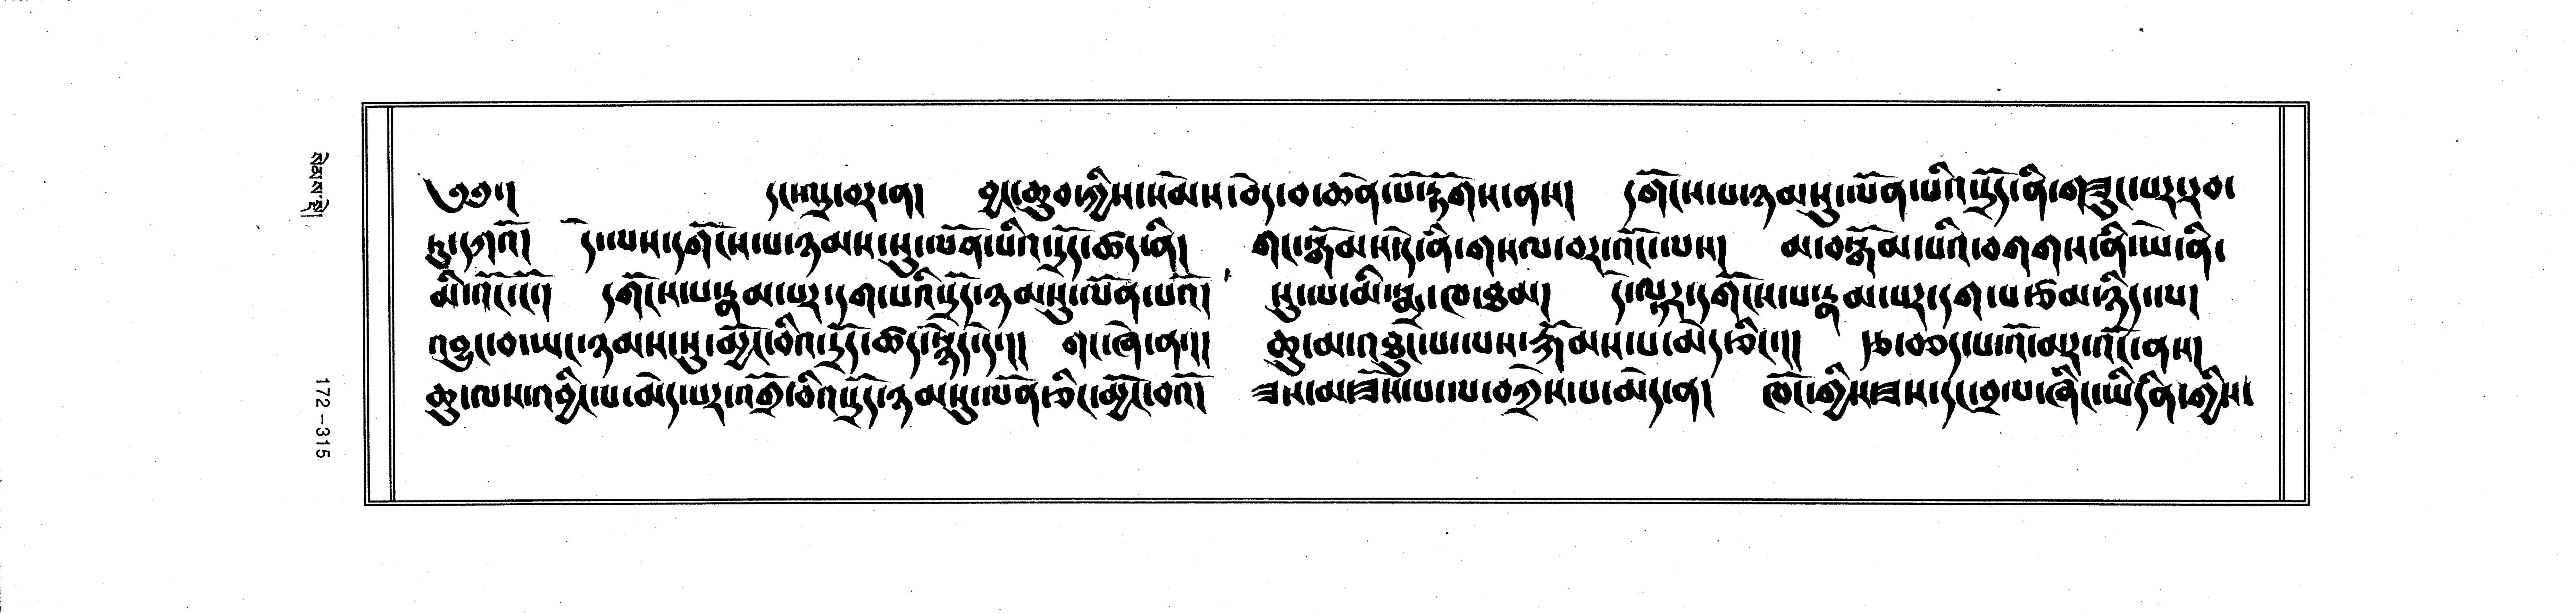དང་འདྲ་བར་ན། བྱང་ཆུབ་ཀྱིས་སེམས་བདེ་བ་ཆེན་པོ་རྟོགས་ནས། དགོངས་པ་ཉམས་སུ་ལོན་པའི་དྲོད་ནི་གཟུང་པར་རབ་
ཏུ་དཀའོ། དེ་ལས་དགོངས་པ་ཉམས་སུ་ལོན་པའི་དྲོད་ཚད་ནི། གང་སྒོམས་དེ་ནི་གསལ་བར་འོང་ལས། མ་བསྒོམ་པའི་བག་ཆགས་ནི་ཡེ་ནི་
མི་འོང་ངོ་། དགོངས་པ་རྣམ་པར་དག་པའི་དྲོད་ཉམས་སུ་ལོན་པའོ། སུ་ལ་མི་སྨྲ་ཁ་ཐམ། དེ་ལྟར་དགོངས་པ་རྣམ་པར་དག་པ་ཙམ་ཉིད་ལ། 
འབྱུང་བ་ཡང་ཉམས་སུ་མྱོང་བའི་དྲོད་ཚད་སྙེད་དེ། གང་ཞེ་ན། ཆུ་མ་འཐུང་པ་ལས་རྐོམས་པ་མེད་ཅིང་། རྩ་བཅད་པ་འོ་མར་འོང་ནས། 
ཆུ་ལས་འབྱིང་པ་མེད་པར་འགྲོ་བའི་དྲོད་ཉམས་སུ་ལོན་ཅིང་མྱོང་བའོ། ཟས་མ་ཟོས་པ་ལ་བཀྲིས་པ་མེད་ན། ཁོང་གྱིས་ཟས་དང་བྲལ་ཞིང་ཡིན་བཞིན་གྱིས་